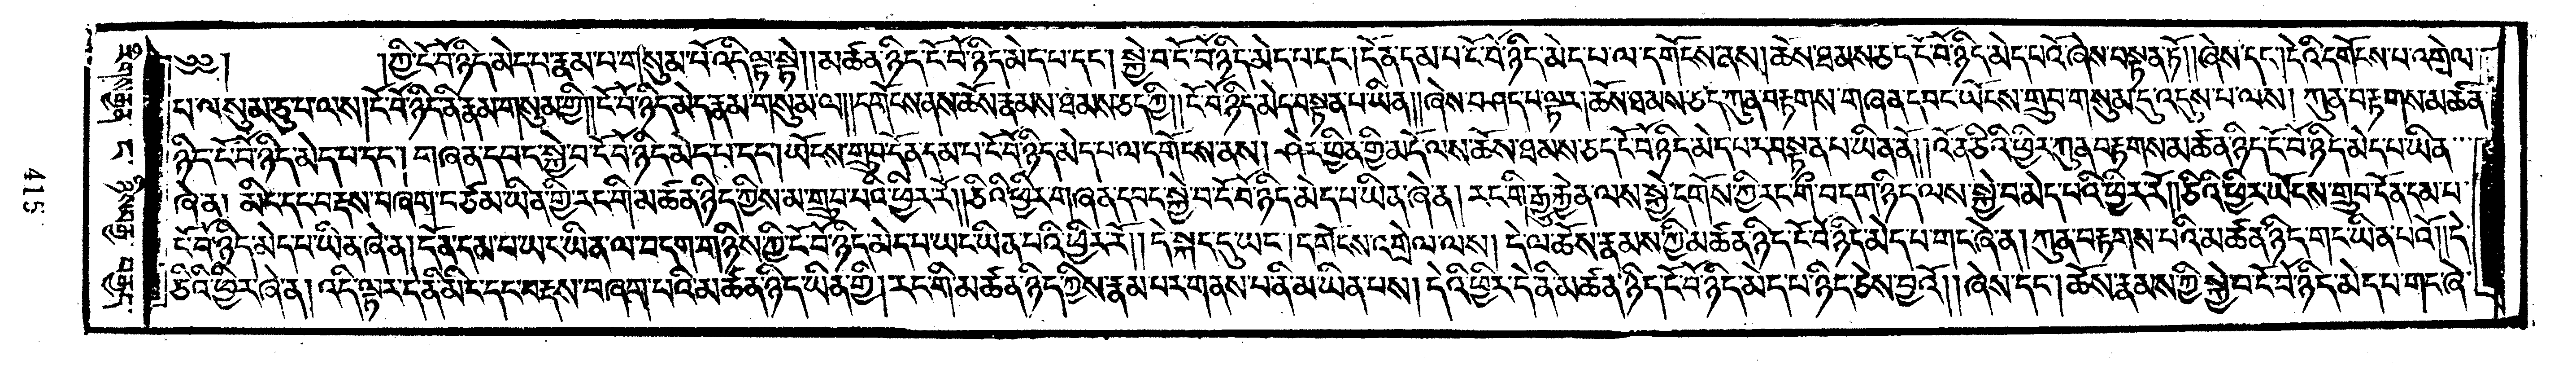༄༅། །ཀྱི་ངོ་བོ་ཉིད་མེད་པ་རྣམ་པ་གསུམ་པོ་འདི་ལྟ་སྟེ། །མཚན་ཉིད་ངོ་བོ་ཉིད་མེད་པ་དང་། སྐྱེ་བ་ངོ་བོ་ཉིད་མེད་པ་དང་། དོན་དམ་པ་ངོ་བོ་ཉིད་མེད་པ་ལ་དགོངས་ནས། ཆོས་ཐམས་ཅད་ངོ་བོ་ཉིད་མེད་པའོ་ཞེས་བསྟན་ཏོ། །ཞེས་དང་། དེའི་དགོངས་པ་འགྲེལ་
པ་ལ། སུམ་ཅུ་པ་ལས། ངོ་བོ་ཉིད་ནི་རྣམ་གསུམ་གྱི། །ངོ་བོ་ཉིད་མེད་རྣམ་གསུམ་ལ། །དགོངས་ནས་ཆོས་རྣམས་ཐམས་ཅད་ཀྱི། །ངོ་བོ་ཉིད་མེད་བསྟན་པ་ཡིན། །ཞེས་བཤད་པ་ལྟར། ཆོས་ཐམས་ཅད་ཀུན་བརྟགས་གཞན་དབང་ཡོངས་གྲུབ་གསུམ་དུ་འདུས་པ་ལས། ཀུན་བརྟགས་མཚན་
ཉིད་ངོ་བོ་ཉིད་མེད་པ་དང་། གཞན་དབང་སྐྱེ་བ་ངོ་བོ་ཉིད་མེད་པ་དང་། ཡོངས་གྲུབ་དོན་དམ་པ་ངོ་བོ་ཉིད་མེད་པ་ལ་དགོངས་ནས། ཤེར་ཕྱིན་གྱི་མདོ་ལས་ཆོས་ཐམས་ཅད་ངོ་བོ་ཉིད་མེད་པར་བསྟན་པ་ཡིན་ནོ། །འོ་ན་ཅིའི་ཕྱིར་ཀུན་བརྟགས་མཚན་ཉིད་ངོ་བོ་ཉིད་མེད་པ་ཡིན་
ཞེ་ན༑ མིང་དང་བརྡས་བཞག་པ་ཙམ་ཡིན་གྱི་རང་གི་མཚན་ཉིད་ཀྱིས་མ་གྲུབ་པའི་ཕྱིར་རོ། །ཅིའི་ཕྱིར་གཞན་དབང་སྐྱེ་བ་ངོ་བོ་ཉིད་མེད་པ་ཡིན་ཞེ་ན། རང་གི་རྒྱུ་རྐྱེན་ལས་སྐྱེ་དགོས་ཀྱི་རང་གི་བདག་ཉིད་ལས་སྐྱེ་བ་མེད་པའི་ཕྱིར་རོ། །ཅིའི་ཕྱིར་ཡོངས་གྲུབ་དོན་དམ་པ་
ངོ་བོ་ཉིད་མེད་པ་ཡིན་ཞེ་ན། དོན་དམ་པ་ཡང་ཡིན་ལ་བདག་གཉིས་ཀྱི་ངོ་བོ་ཉིད་མེད་པ་ཡང་ཡིན་པའི་ཕྱིར་རོ། །དེ་སྐད་དུ་ཡང་། དགོངས་འགྲེལ་ལས། དེ་ལ་ཆོས་རྣམས་ཀྱི་མཚན་ཉིད་ངོ་བོ་ཉིད་མེད་པ་གང་ཞེ་ན། ཀུན་བརྟགས་པའི་མཚན་ཉིད་གང་ཡིན་པའོ། །དེ་
ཅིའི་ཕྱིར་ཞེ་ན། འདི་ལྟར་དེ་ནི་མིང་དང་བརྡས་བཞག་པའི་མཚན་ཉིད་ཡིན་གྱི། རང་གི་མཚན་ཉིད་ཀྱིས་རྣམ་པར་གནས་པ་ནི་མ་ཡིན་པས། དེའི་ཕྱིར་དེ་ནི་མཚན་ཉིད་ངོ་བོ་ཉིད་མེད་པ་ཉིད་ཅེས་བྱའོ། །ཞེས་དང་། ཆོས་རྣམས་ཀྱི་སྐྱེ་བ་ངོ་བོ་ཉིད་མེད་པ་གང་ཞེ་